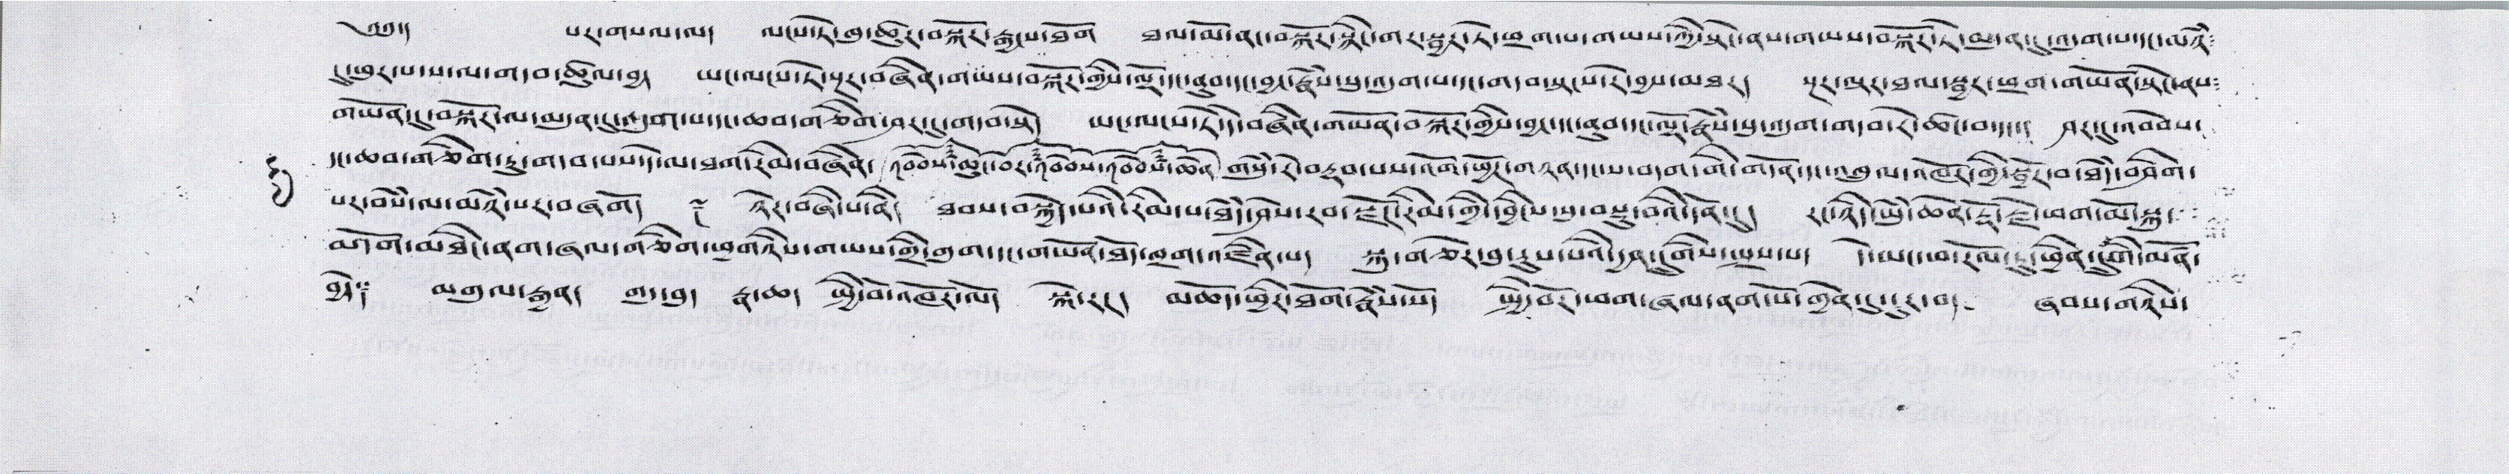པར་གསལ་ལ། ལངས་ཏེ་ཁུ་ཚུར་བསྐོར་རྒྱངས་ཐོག ཐལ་མོ་ནང་བསྐོར་སྙིང་གར་སྦྱར་ཏེ་ཕྲག་པ་གཡས་ཀྱི་སྟེང་ནས་གཡས་བསྐོར་ཏེ་མདུན་དུ་འདུག་པ་དང་མཉམ་
དུ་ཕུར་པ་ས་ལ་གདབ་ཚུལ་བྱ། ཡང་ལངས་ཏེ་སྔར་བཞིན་གཡས་བསྐོར་གྱིས་ལྷོ་དང་ནུབ་དང་བྱང་རྣམས་སུ་འདུག་པ་དང་གདབ་སྟངས་རེ་བྱས་མཐར། སྔར་ལྟར་ཐལ་སྦྱར་ཕྲག་གཡོན་སྟེང་ནས་
གཡོན་དུ་བསྐོར་ལ་མདུན་དུ་འདུག་པ་དང་ཆབས་ཅིག་ཤར་དུ་གདབ་སྟེ། ཡང་ལངས་ཏེ་དེ་བཞིན་གཡོན་སྐོར་གྱིས་དེ་བཞིན་བྱང་དང་ནུབ་དང་ལྷོ་རྣམས་སུ་འདུག་གདབ་རེ་ཚང་བ་དང་། ཤར་དུ་འབེབས་
དང་ཆབས་ཅིག་ཏུ་གདབ་པས་དེ་མ་ཐག་རིམ་བཞིན་༼འབེབས་ཆུང་བར་འབེབས་འབེབས་ཆེན་༽གསུམ་རེ་བརྡབ་པས་འོག་ཕྱོགས་གཉན་དང་ས་བདག་གི་གདོན་དང་འཁྲུལ་འཁོར་གྱི་སྦྱོར་བ་ཐམས་ཅད་བཤིག་
པར་བསམ་ལ་མཉམ་པར་བཞག་གོ། ༧ ཉེར་བཞི་པ་ནི། ཐབས་བསྐྱེད་པའི་རིམ་པ་ཐམས་ཅད་ཤེས་རབ་རྫོགས་རིམ་གྱི་དབྱིངས་སུ་བསྡུ་བའི་དོན་དུ། རང་ཉིད་ཡུམ་ཆེན་རྡོ་རྗེ་ཕག་མོ་སྐུ་
མདོག་མཐིང་ནག་ཞལ་གཅིག་ཕྱག་གཉིས་གཡས་གྲི་གུག་དང་གཡོན་ཐོད་ཁྲག་འཛིན་པ། སྐུ་གཅེར་བུ་རུས་པའི་རྒྱན་དྲུག་གིས་སྤྲས་པ། དེ་ཡང་ཕ་རོལ་ཏུ་ཕྱིན་དྲུག་གི་མཚོན་
བྱེད་མགུལ་རྒྱན་གདུ་བུ་རྣ་ཆ་སྤྱི་བོ་འཁོར་ལོ་སྐེ་རགས་མཆོད་ཕྱིར་ཐོག་རྣམས་སོ། སྤྱི་བོར་ཕག་ཞལ་ནག་པོ་གྱེན་དུ་ངུར་བ་ཞབས་གཉིས་